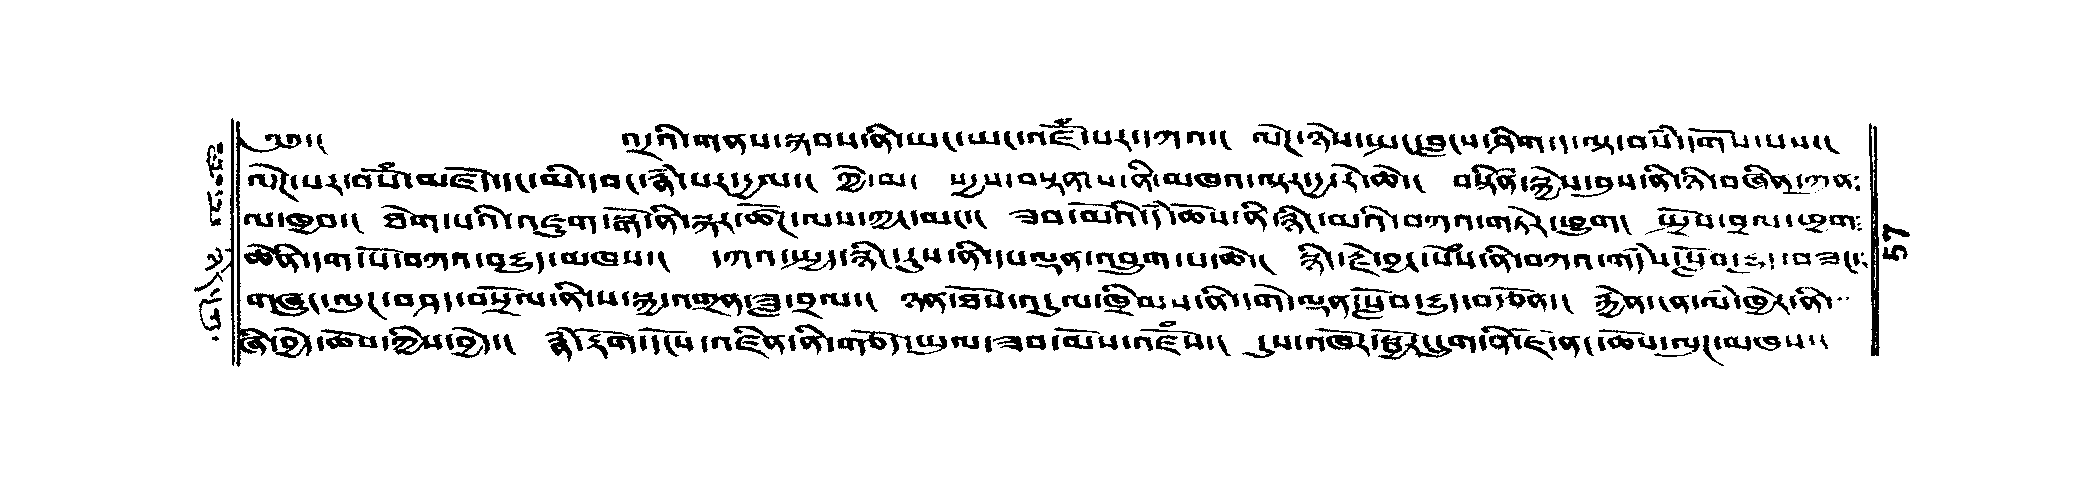འདྲའི་གནས་སྐབས་ནི་ཡང་ཡང་འཛོམས་པར་དཀའ། །ལེགས་ཉེས་སྤང་བླང་ནི་ད་ལྟ་བསམ་དགོས་པས། །
ལེགས་པར་སོམས་མཛོད་དང་མི་དབང་རྣམ་པར་རྒྱལ། ཀྱེ་མ། སངས་རྒྱས་བསྟན་པ་ནི་མཁའ་ལྟར་རྒྱ་རེ་ཆེ། །བསྟན་འཛིན་སྐྱེས་བུ་ནི་ཉི་བཞིན་ཀུན་
ལ་ཁྱབ། །ཐེག་པའི་འཇུག་སྒོ་ནི་སྐར་ཚོགས་ལས་ཀྱང་མང་། །ཟབ་མོའི་དམ་ཆོས་ནི་རྙིང་མའི་བཀའ་གཏེར་ཕྱུག །སྤྲོས་བྲལ་ཕྱག་
ཆེན་ནི་དྭགས་པོ་བཀའ་རྒྱུད་མཁས། །དཀའ་སྤྱད་སྙིང་རུས་ནི་དཔལ་ལྡན་འབྲུག་པ་ཆེ། །སྙིང་རྗེ་བྱང་སེམས་ནི་བཀའ་གདམས་སློབ་རྒྱུད་བཟང་། །
གཞུང་ལུགས་བཤད་སྲོལ་ནི་ས་སྐྱ་འགྲན་ཟླ་བླལ། །ཉན་ཐོས་འདུལ་ཁྲིམས་ནི་དགེ་ལྡན་སློབ་རྒྱུད་བརྩོན། །རྐྱེན་ངན་ལམ་ཁྱེར་ནི་
ཞི་བྱེད་ཆོས་ཀྱིས་བྱེད། །རྣམ་རྟོག་དངོས་འཛིན་ནི་གཅོད་ཡུལ་ཟབ་མོས་འཇོམས། །དུས་འཁོར་སྦྱོར་དྲུག་ནི་ཇོ་ནང་ཆོས་ལུགས་མཁས། །